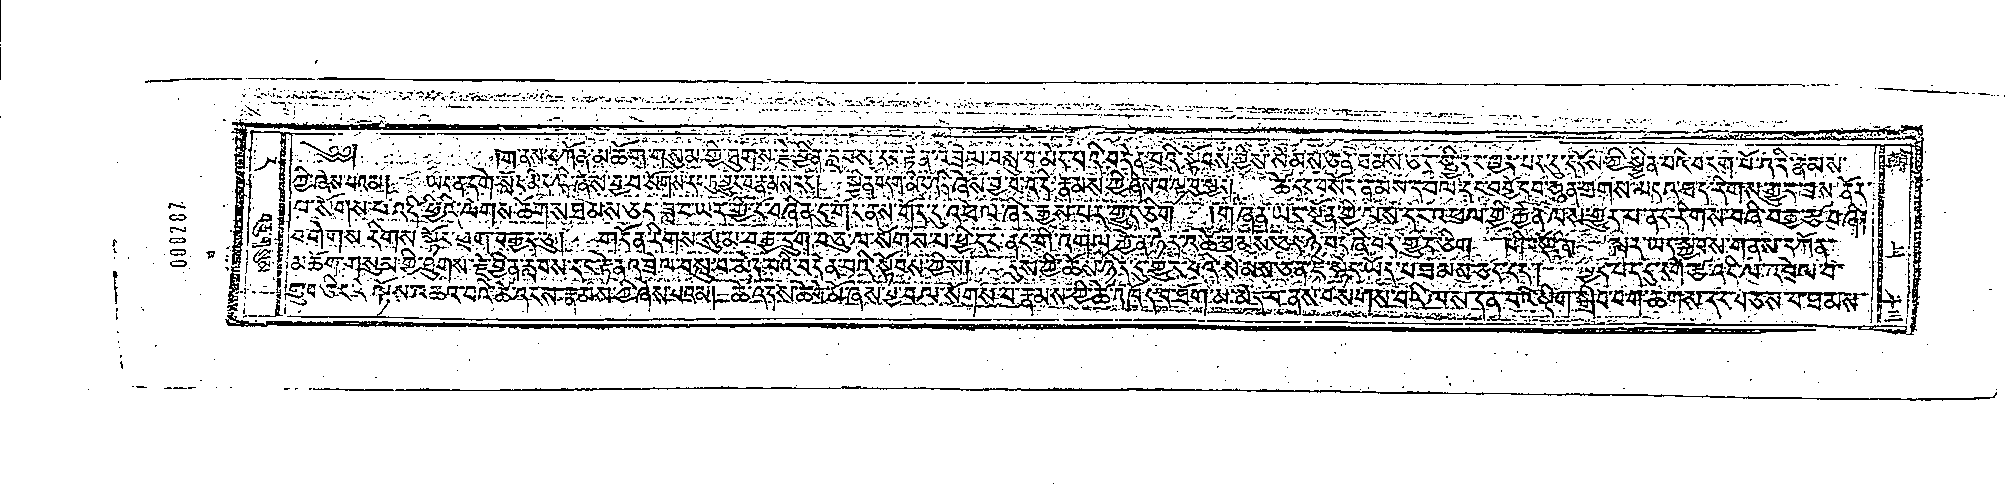༄༅། །གནས་དཀོན་མཆོག་གསུམ་གྱི་ཐུགས་རྗེ་བྱིན་རླབས་དང་རྟེན་འབྲེལ་བསླུབ་མེད་པའི་བདེན་བའི་སྟོབས་ཀྱིས་སེམས་ཅན་ཐམས་ཅད་སྤྱི་དང་ཁྱད་པར་དུ་དངོས་ཀྱི་སྦྱིན་པའི་བདག་པོ་འདི་རྣམས་
ཀྱི་ཞེས་པའམ། ཡང་ན་དགེ་སློང་མིང་འདི་ཞེས་བྱ་བ་སོགས་རབ་ཏུ་བྱུང་བ་རྣམས་དང་། སྦྱིན་བདག་མིང་འདི་ཞེས་བྱ་བ་འདི་རྣམས་ཀྱི་ཞེས་བ་ལྟ་བུ་སྦྱང་། ཚེ་དང་བསོད་ནམས་དཔལ་དང་བྱོད་བ་སྙན་གྲགས་མངའ་ཐད་རིགས་རྒྱུད་ཟས་ནོར་
པ་སོགས་པ་འདི་ཕྱིའི་ལེགས་ཚོགས་ཐམས་ཅད་ཟླ་བ་ཡར་གྱི་ངོ་བཞིན་དུ་གོང་ནས་གོང་དུ་འཕེལ་ཞིང་རྒྱས་པར་གྱུར་ཅིག །གཞན་ཡང་སྔོན་གྱི་ལས་དང་འཕྲལ་གྱི་རྐྱེན་ལས་གྱུར་པ་ནང་རིགས་བཞི་བརྒྱ་རྩ་བཞི་
བགེགས་རིགས་སྟོང་ཕྲག་བརྒྱད་ཅུ། གདོན་རིགས་སུམ་བརྒྱ་དྲུག་བཅུ་ལ་སོགས་པ་ཕྱི་དང་ནང་གི་འགལ་རྐྱེན་ཉེར་འ་ཚེ་ཐམས་ཅད་ཉེ་བར་ཞི་བར་གྱུར་ཅིག །ཤི་བསྔོ་ནི། སླར་ཡང་སྐྱབས་གནས་དཀོན་
མཆོག་གསུམ་གྱི་ཐུགས་རྗེ་བྱིན་རླབས་དང་རྟེན་འབྲེལ་བསླུ་བ་འདི་ལ་འབྲེལ་བ་གྲུབ་ཅིང་རེ་ལྟོས་འཆའ་བའི་ཚེ་འདས་རྣམས་སེམས་ཅན་ཇི་སྙེད་ཡོད་པ་ཐམས་ཅད་དང་། ཁྱད་པར་དུ་དགེ་རྩ་འདི་ལ་འབྲེལ་བ་
གྲུབ་ཅིང་རེ་ལྟོས་འཆའ་བའི་ཚེ་འདས་རྣམས་ཀྱི་ཞེས་པའམ། ཆེ་འདས་ཆེ་གེ་མོ་ཞེས་བྱ་བ་ལ་སོགས་པ་རྣམས་ཀྱི་ཚེ་འཁོར་བ་ཐོག་མ་མེད་པ་ནས་བསགས་བའི་ལས་ངན་བའི་སྡིག་སྒྲིབ་བག་ཆགས་དང་བཅས་པ་ཐམས་